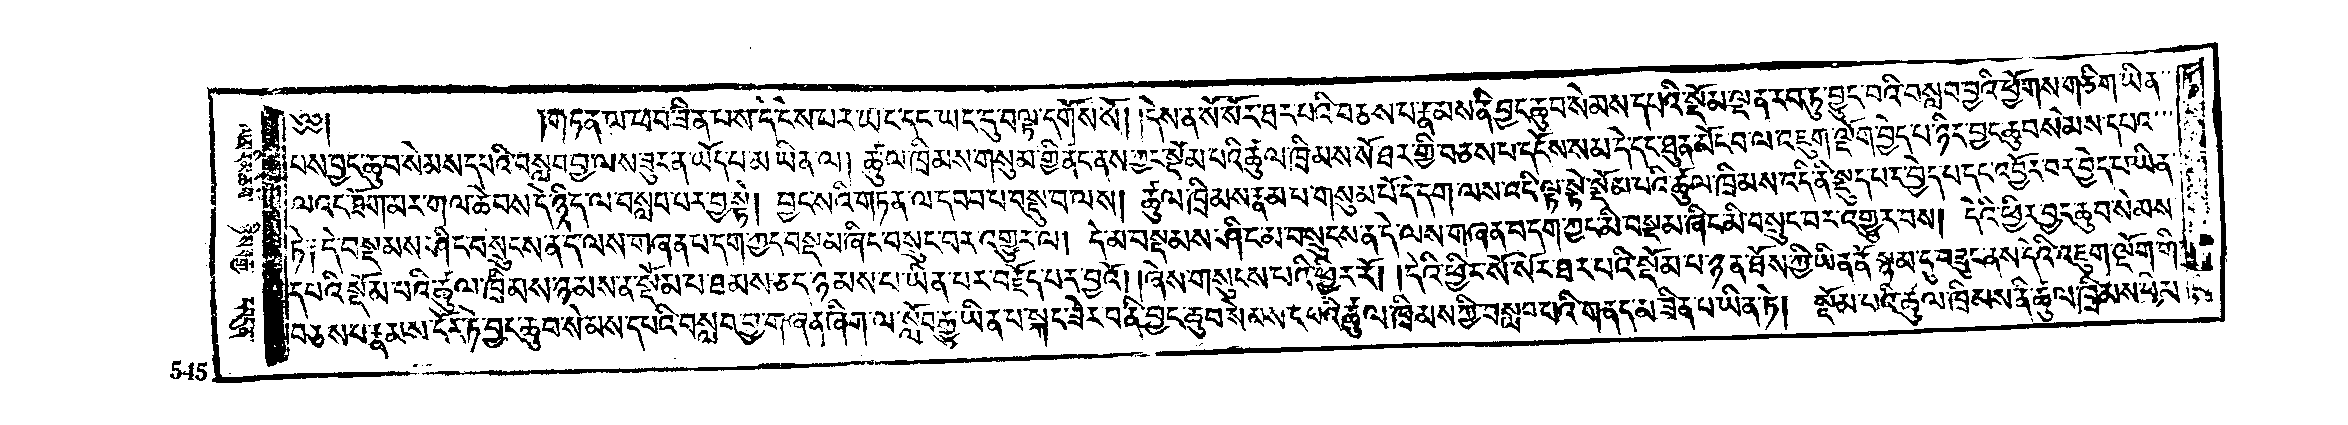༄༅། །གཏན་ལ་ཕབ་ཟིན་པས་དེ་ངེས་པར་ཡང་དང་ཡང་དུ་བལྟ་དགོས་སོ། །དེས་ན་སོ་སོར་ཐར་པའི་བཅས་པ་རྣམས་ནི་བྱང་ཆུབ་སེམས་དཔའི་སྡོམ་ལྡན་རབ་ཏུ་བྱུང་བའི་བསླབ་བྱའི་ཕྱོགས་གཅིག་ཡིན་
པས་བྱང་ཆུབ་སེམས་དཔའི་བསླབ་བྱ་ལས་ཟུར་ན་ཡོད་པ་མ་ཡིན་ལ། ཚུལ་ཁྲིམས་གསུམ་གྱི་ནང་ནས་ཀྱང་སྡོམ་པའི་ཚུལ་ཁྲིམས་སོ་ཐར་གྱི་བཅས་པ་དངོས་སམ་དེ་དང་ཐུན་མོང་བ་ལ་འཇུག་ལྡོག་བྱེད་པ་ཉིད་བྱང་ཆུབ་སེམས་དཔའ་
ལའང་ཐོག་མར་གལ་ཆེ་བས་དེ་ཉིད་ལ་བསླབ་པར་བྱ་སྟེ། བྱང་སའི་གཏན་ལ་དབབ་པ་བསྡུ་བ་ལས། ཚུལ་ཁྲིམས་རྣམ་པ་གསུམ་པོ་དེ་དག་ལས་འདི་ལྟ་སྟེ་སྡོམ་པའི་ཚུལ་ཁྲིམས་འདི་ནི་སྡུད་པར་བྱེད་པ་དང་འབྱོར་བར་བྱེད་པ་ཡིན་
ཏེ༑ དེ་བསྡམས་ཤིང་བསྲུངས་ན་དེ་ལས་གཞན་པ་དག་ཀྱང་བསྡམ་ཞིང་བསྲུང་བར་འགྱུར་ལ། དེ་མ་བསྡམས་ཤིང་མ་བསྲུངས་ན་དེ་ལས་གཞན་པ་དག་ཀྱང་མི་བསྡམ་ཞིང་མི་བསྲུང་བར་འགྱུར་བས། དེའི་ཕྱིར་བྱང་ཆུབ་སེམས་
དཔའི་སྡོམ་པའི་ཚུལ་ཁྲིམས་ཉམས་ན་སྡོམ་པ་ཐམས་ཅད་ཉམས་པ་ཡིན་པར་བརྗོད་པར་བྱའོ། །ཞེས་གསུངས་པའི་ཕྱིར་རོ། །དེའི་ཕྱིར་སོ་སོར་ཐར་པའི་སྡོམ་པ་ཉན་ཐོས་ཀྱི་ཡིན་ནོ་སྙམ་དུ་བཟུང་ནས་དེའི་འཇུག་ལྡོག་གི་
བཅས་པ་རྣམས་དོར་ཏེ་བྱང་ཆུབ་སེམས་དཔའི་བསླབ་བྱ་གཞན་ཞིག་ལ་སློབ་རྒྱུ་ཡིན་པ་སྐད་ཟེར་བ་ནི་བྱང་ཆུབ་སེམས་དཔའི་ཚུལ་ཁྲིམས་ཀྱི་བསླབ་པའི་གནད་མ་ཟིན་པ་ཡིན་ཏེ། སྡོམ་པའི་ཚུལ་ཁྲིམས་ནི་ཚུལ་ཁྲིམས་ཕྱི་མ་